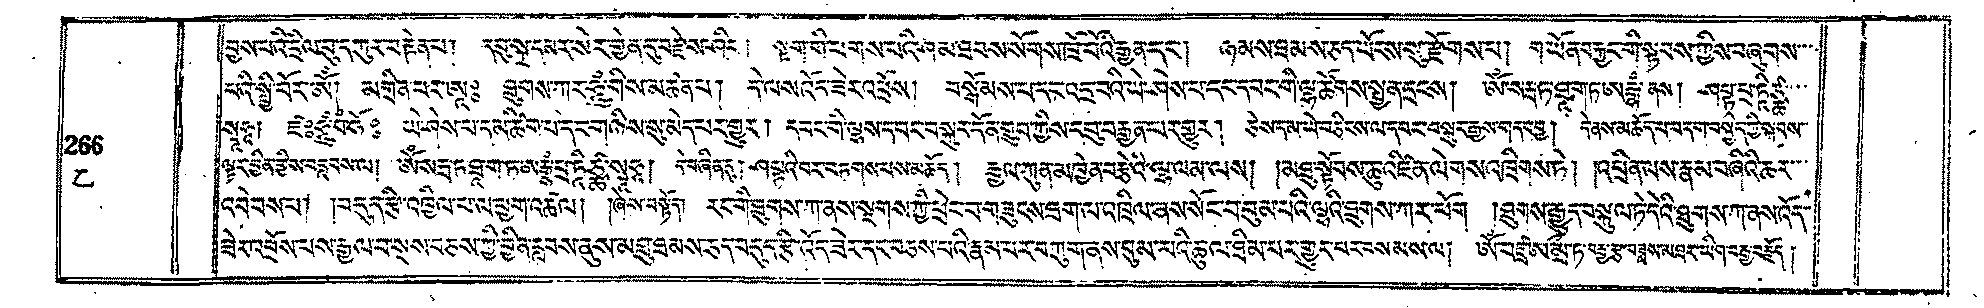བྱས་པའི་དྲིལ་བུ་དཀུར་བརྟེན་པ། དབུ་སྐྲ་དམར་སེར་གྱེན་དུ་བརྫེས་ཤིང་། སྟག་གི་པགས་པའི་ཤམ་ཐབས་སོགས་ཁྲོ་བོའི་རྒྱན་དང་། ཉམས་ཐམས་ཅད་ཡོངས་སུ་རྫོགས་པ། གཡོན་བརྐྱང་གི་སྟབས་ཀྱིས་བཞུགས་་་
པའི་སྤྱི་བོར་ཨོཾ། མགྲིན་པར་ཨཱཿ ཐུགས་ཀར་ཧཱུཾ་གིས་མཚན་པ། དེ་ལས་འོད་ཟེར་འཕྲོས། བསྒོམས་པ་དང་འདྲ་བའི་ཡེ་ཤེས་པ་དང་དབང་གི་ལྷ་ཚོགས་སྤྱན་དྲངས། ཨོཾ་སརྦ་ཏ་ཐཱ་ག་ཏ་ཨརྒྷཾ་ནས། ཤཔྟ་པྲ་ཏཱི་ཙྪ་་་
སྭཱཧཱ། ཛཿཧཱུཾ་བཾ་ཧོཿ ཡེ་ཤེས་པ་དམ་ཚིག་པ་དང་གཉིས་སུ་མེད་པར་གྱུར། དབང་གི་ལྷས་དབང་བསྐུར་དོན་གྲུབ་ཀྱིས་དབུ་བརྒྱན་པར་གྱུར། ཅེས་དམ་ཡེ་བཅིངས་ལ་དབང་བསྐུར་རྒྱས་གདབ་བྱ། དེ་ནས་མཆོད་པ་བདག་བསྐྱེད་ཀྱི་སྐབས་་་
ལྟར་བྱིན་གྱིས་བརླབས་ལ། ཨོཾ་སརྦ་ཏ་ཐཱ་ག་ཏ་ཨརྒྷཾ་པྲ་ཏཱཨིཙྪ་སྭཱཧཱ། དེ་བཞིན་དུ།  ཤཔྟའི་བར་བཏགས་པས་མཆོད།  རྒྱལ་ཀུན་མཁྱེན་བརྩེའི་ལྷ་ལམ་ལས། །མཐུ་སྟོབས་ཆུ་འཛིན་ལེགས་འཁྲིགས་ཏེ། །འཕྲིན་ལས་རྣམ་བཞིའི་ཆར་་་
འབེབས་པ། །བདུད་རྩི་འཁྱིལ་པ་ལ་ཕྱག་འཚལ། །ཞེས་བསྟོད།  རང་གི་ཐུགས་ཀ་ནས་སྔགས་ཀྱི་ཕྲེང་བ་གཟུངས་ཐག་ལ་འཁྲིལ་ནས་སོང་བ་བུམ་པའི་ལྷའི་ཐུགས་ཀར་ཕོག །ཐུགས་རྒྱུད་བསྐུལ་ཏེ་དེའི་ཐུགས་ཀ་ནས་འོད་་་
ཟེར་འཕྲོས་པས་རྒྱལ་བ་སྲས་བཅས་ཀྱི་བྱིན་རླབས་ནུས་མཐུ་ཐམས་ཅད་བདུད་རྩི་འོད་ཟེར་དང་བཅས་པའི་རྣམ་པར་བཀུག་ནས་བུམ་པའི་ཆུ་ལ་ཐིམ་པར་གྱུར་པར་བསམས་ལ། ཨོཾ་བཛྲ་ཨམྲྀ་ཏ་བརྒྱ་རྩ་བཟླས་མཐར་ཡིག་བརྒྱ་བརྗོད།